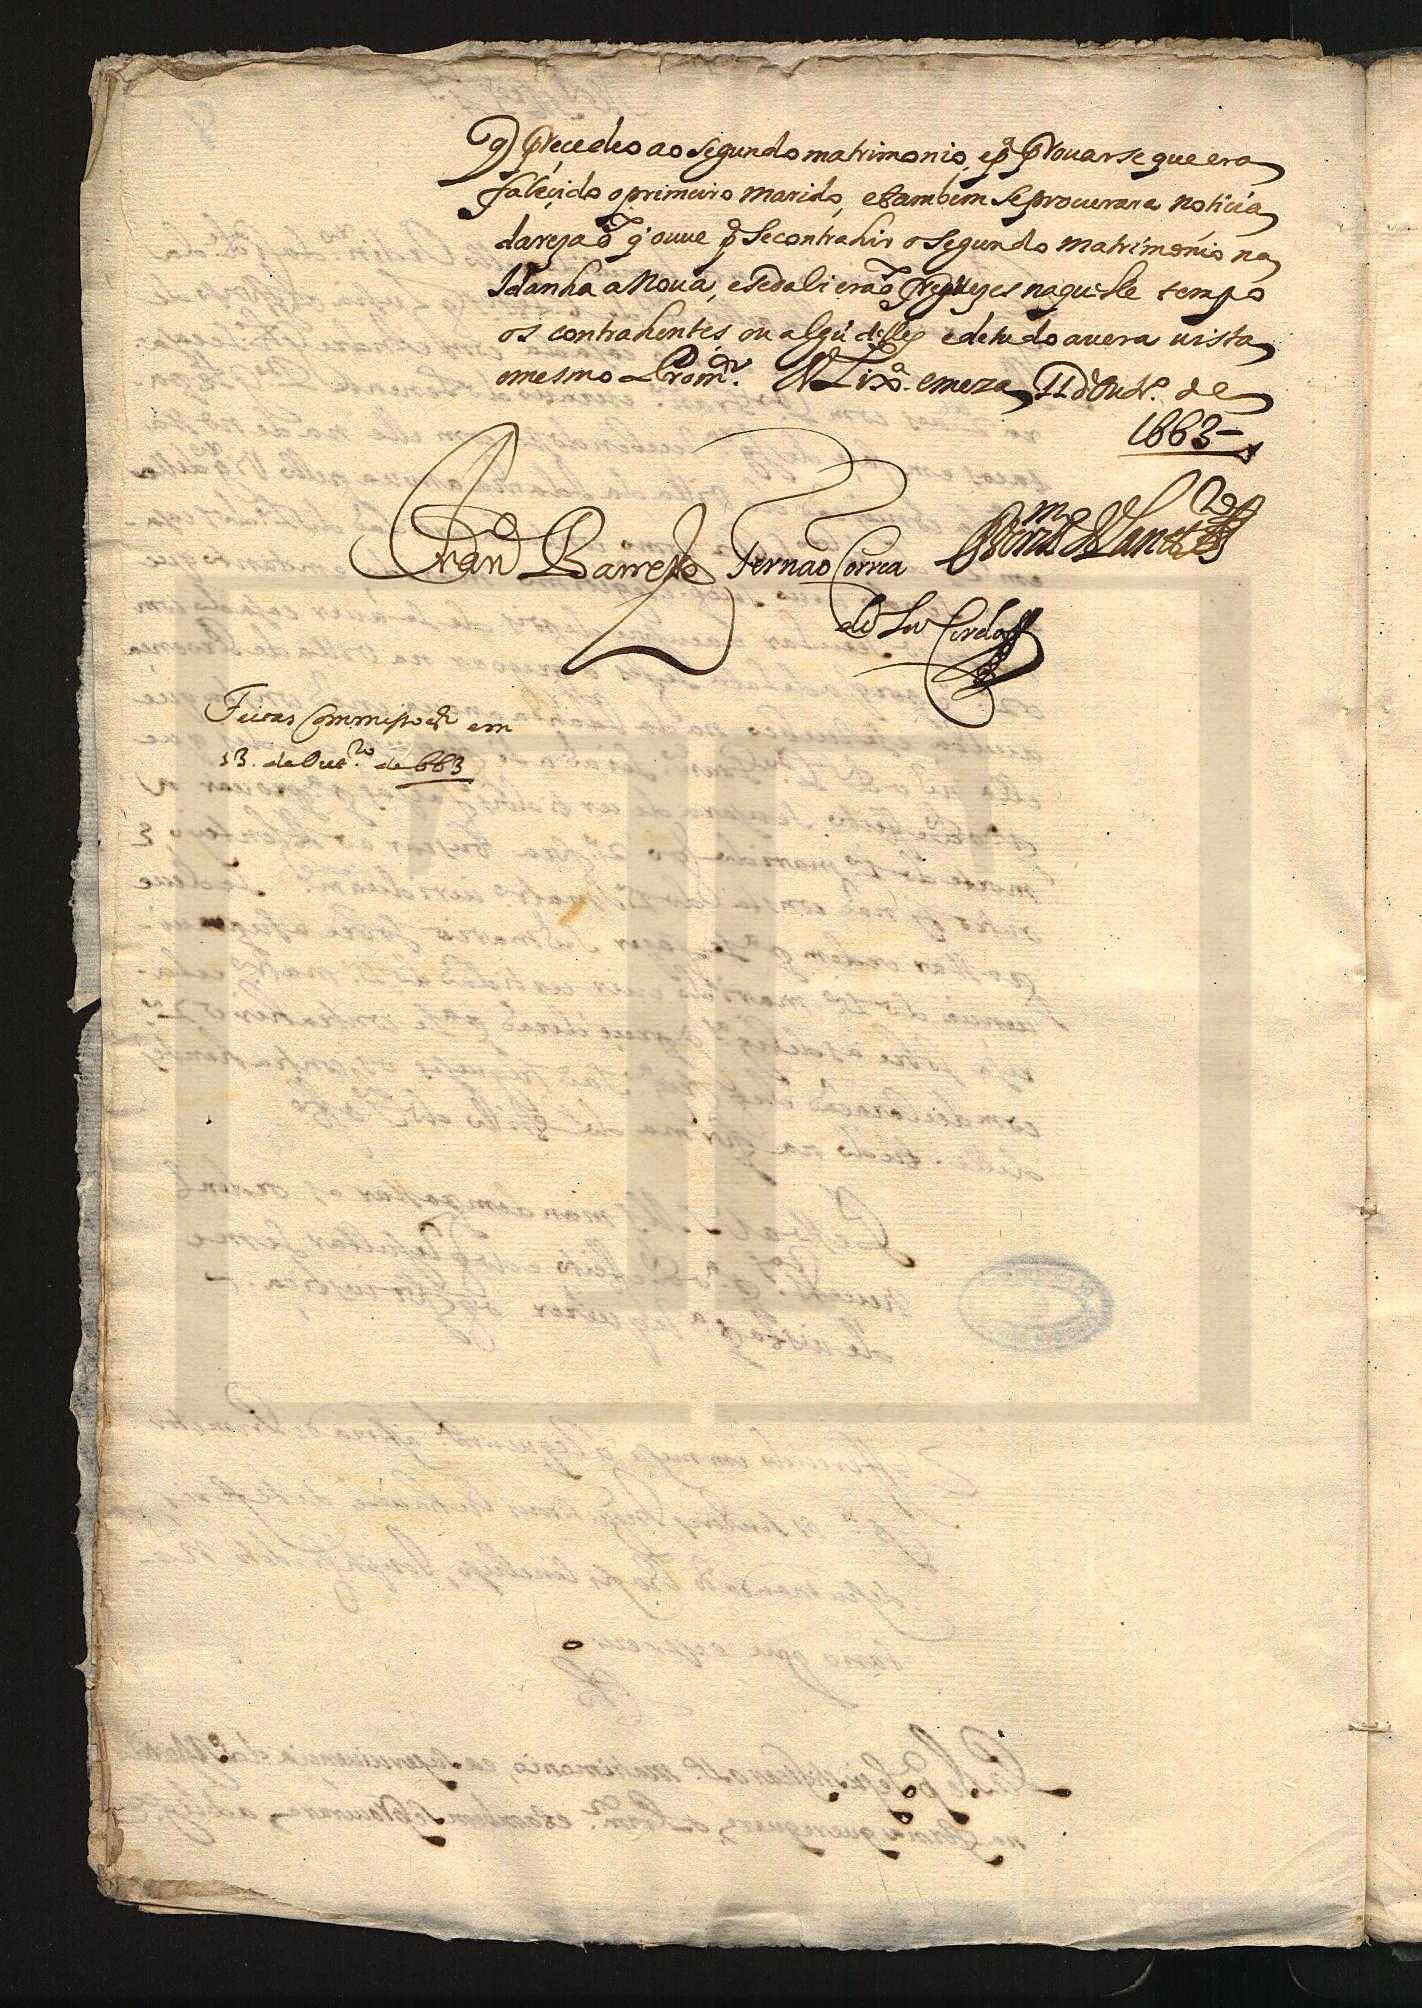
q̄ preçedeo ao segundo matrimonio, e p.a prouarse que era
faleçido o primeiro marido, e também se procurara noticia
da rezaõ q̄ ouue p.a se contrahir o segundo matrimónio na
Idanha a Noua, e se dali erão freguezes naquelle tempo
os contrahentes, ou algū delles e de tudo auera uista
o mesmo Prom.or V Lix.a e meza, 11 d̄ Out.o de
1663
Fran.co Barrette Fernaõ Correa Berto.me dos Santtos
de LaCerda
Feitas Commissoes̄ em
13 de Out.ro de 663
